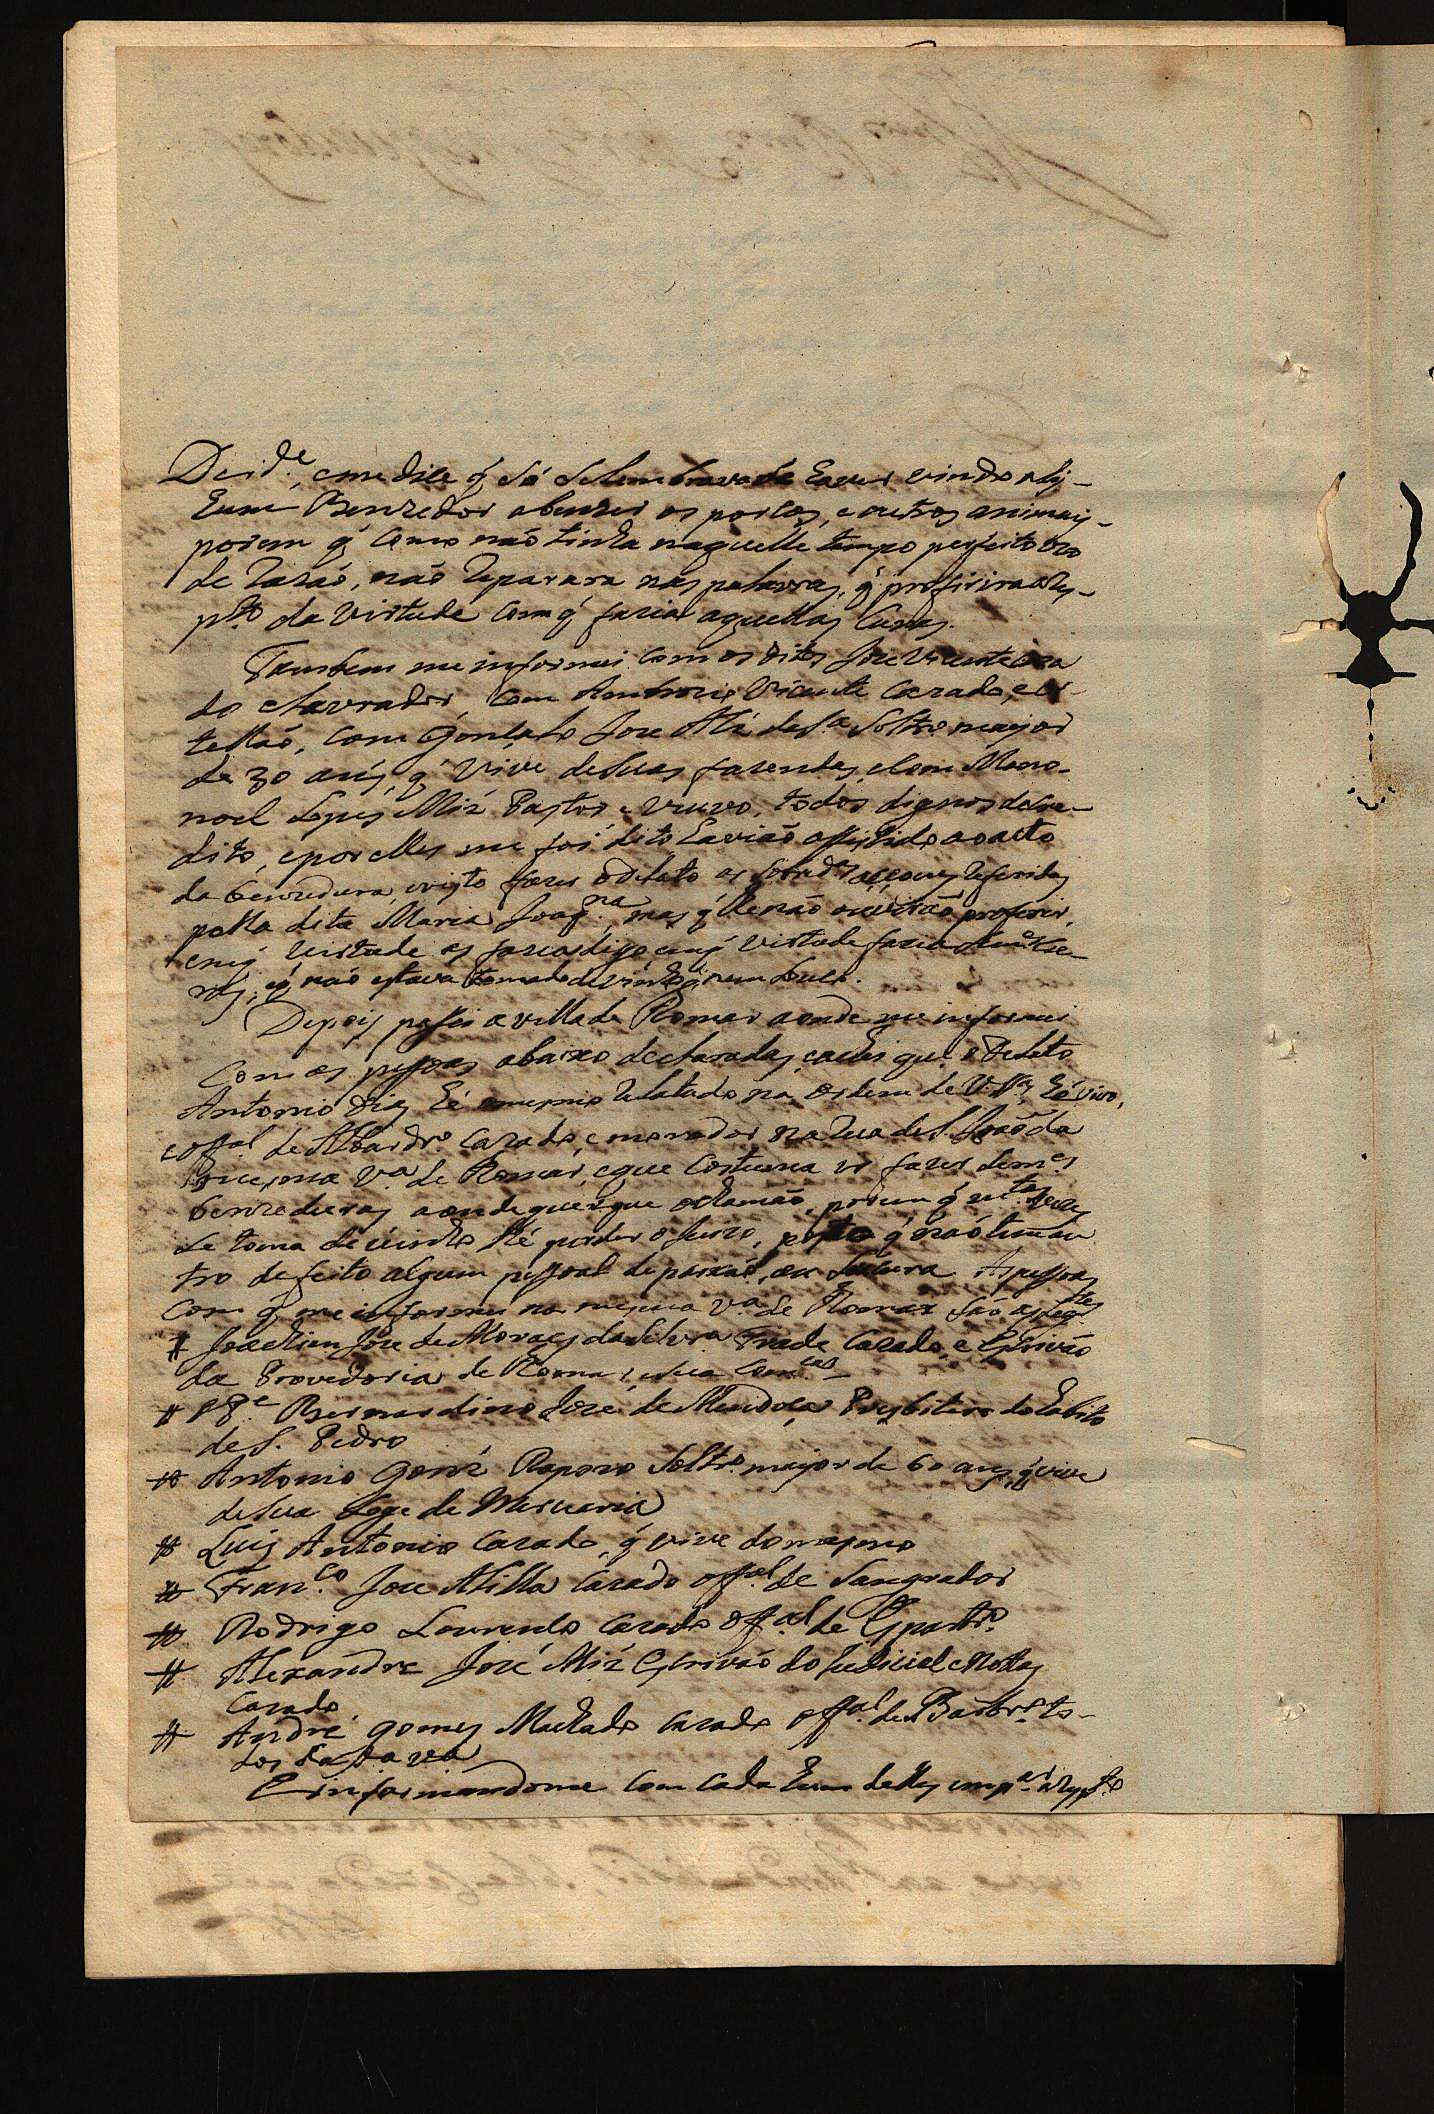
De id.e, e me dice q̄ só se lembrava de haver vindo aly
hum Benzedor a benzer os porcos, e outros animais
porem q̄ como naõ tinha naquelle tempo perfeito uzo
de Rasaõ, naõ Reparara nas palavras, q̄ profirira a Res
p.to da virtude com q̄ fazia aquellas Curas.
Tambem me informei com os ditos Joze Vicente _a
do e lavrador , com Antonio Vicente cazado, e _
telhaõ, com Gonçalo Joze Alz̄ da S.a soltr.o mayor
de 30 ans̄, q̄ vive de Suas fazendas e com Mano
noel Lopes Miz̄ Pastor e viuvo, todos dignos de cre
dito, e por elles me foi dito haviaõ assistido ao acto
da benzedura, e visto fazer o Delato as sobrd.as aççoens Referidas
polla dita Maria Joaq.na, mas q̄ lhe naõ ouuiraõ proferir,
em q̄ virtude as fazia digo, em q̄ virtude fazia semes cu
ras; e q̄ naõ estava tomado de vinho, nem Louco.
Depois passei a villa de Thomar aonde me informei
como as pessoas abaixo declaradas, e achei que o Delato
Antonio Dias hé o mesmo Relatado na ordem de V.ss.as hé vivo,
e offa.l de Albardr.o cazado, e morador na Rua de S. Joaõ da
mesma V.a de Thomar, e que costuma ir fazer sem.es
benzeduras, aonde quer que o chamaõ porem q̄ m.tas vezes
se toma de uinho thé perder o Juizo, posto q̄ naõ tem ou
tro defeito algum pessoal de paixaõ, ou Loucura As pessoas
com q̄ me informei na mesma V.a de Thomar saõ as seg.tes
# Joachim Joze de Moraes da Silvr.a Frade Cazado, e Escrivão
da Provedoria de Thomar, e sua comca.
# o P.e Bernardino Iozé de Mendoça Presbitero do habito
de S. Pedro
# Antonio Gonz̄ Rapozo soltr.o mayor de 60 ans, q̄ vive
de sua Loge de Mercearia
# Luis Antonio cazado, q̄ vive do mesmo
# Fran.co Joze Avilla cazado off.al de Sangrador
# Rodrigo Lourenço cazado off.al de
Espartr.a
# Alexandre Joze Miz̄ escrivaõ do judicial e notas
cazado.
# André gomes Machado cazado off.al de Bartr.o to
dos da d.a v.a
e informandome com cada hum delles em p.ar a Resp.to
